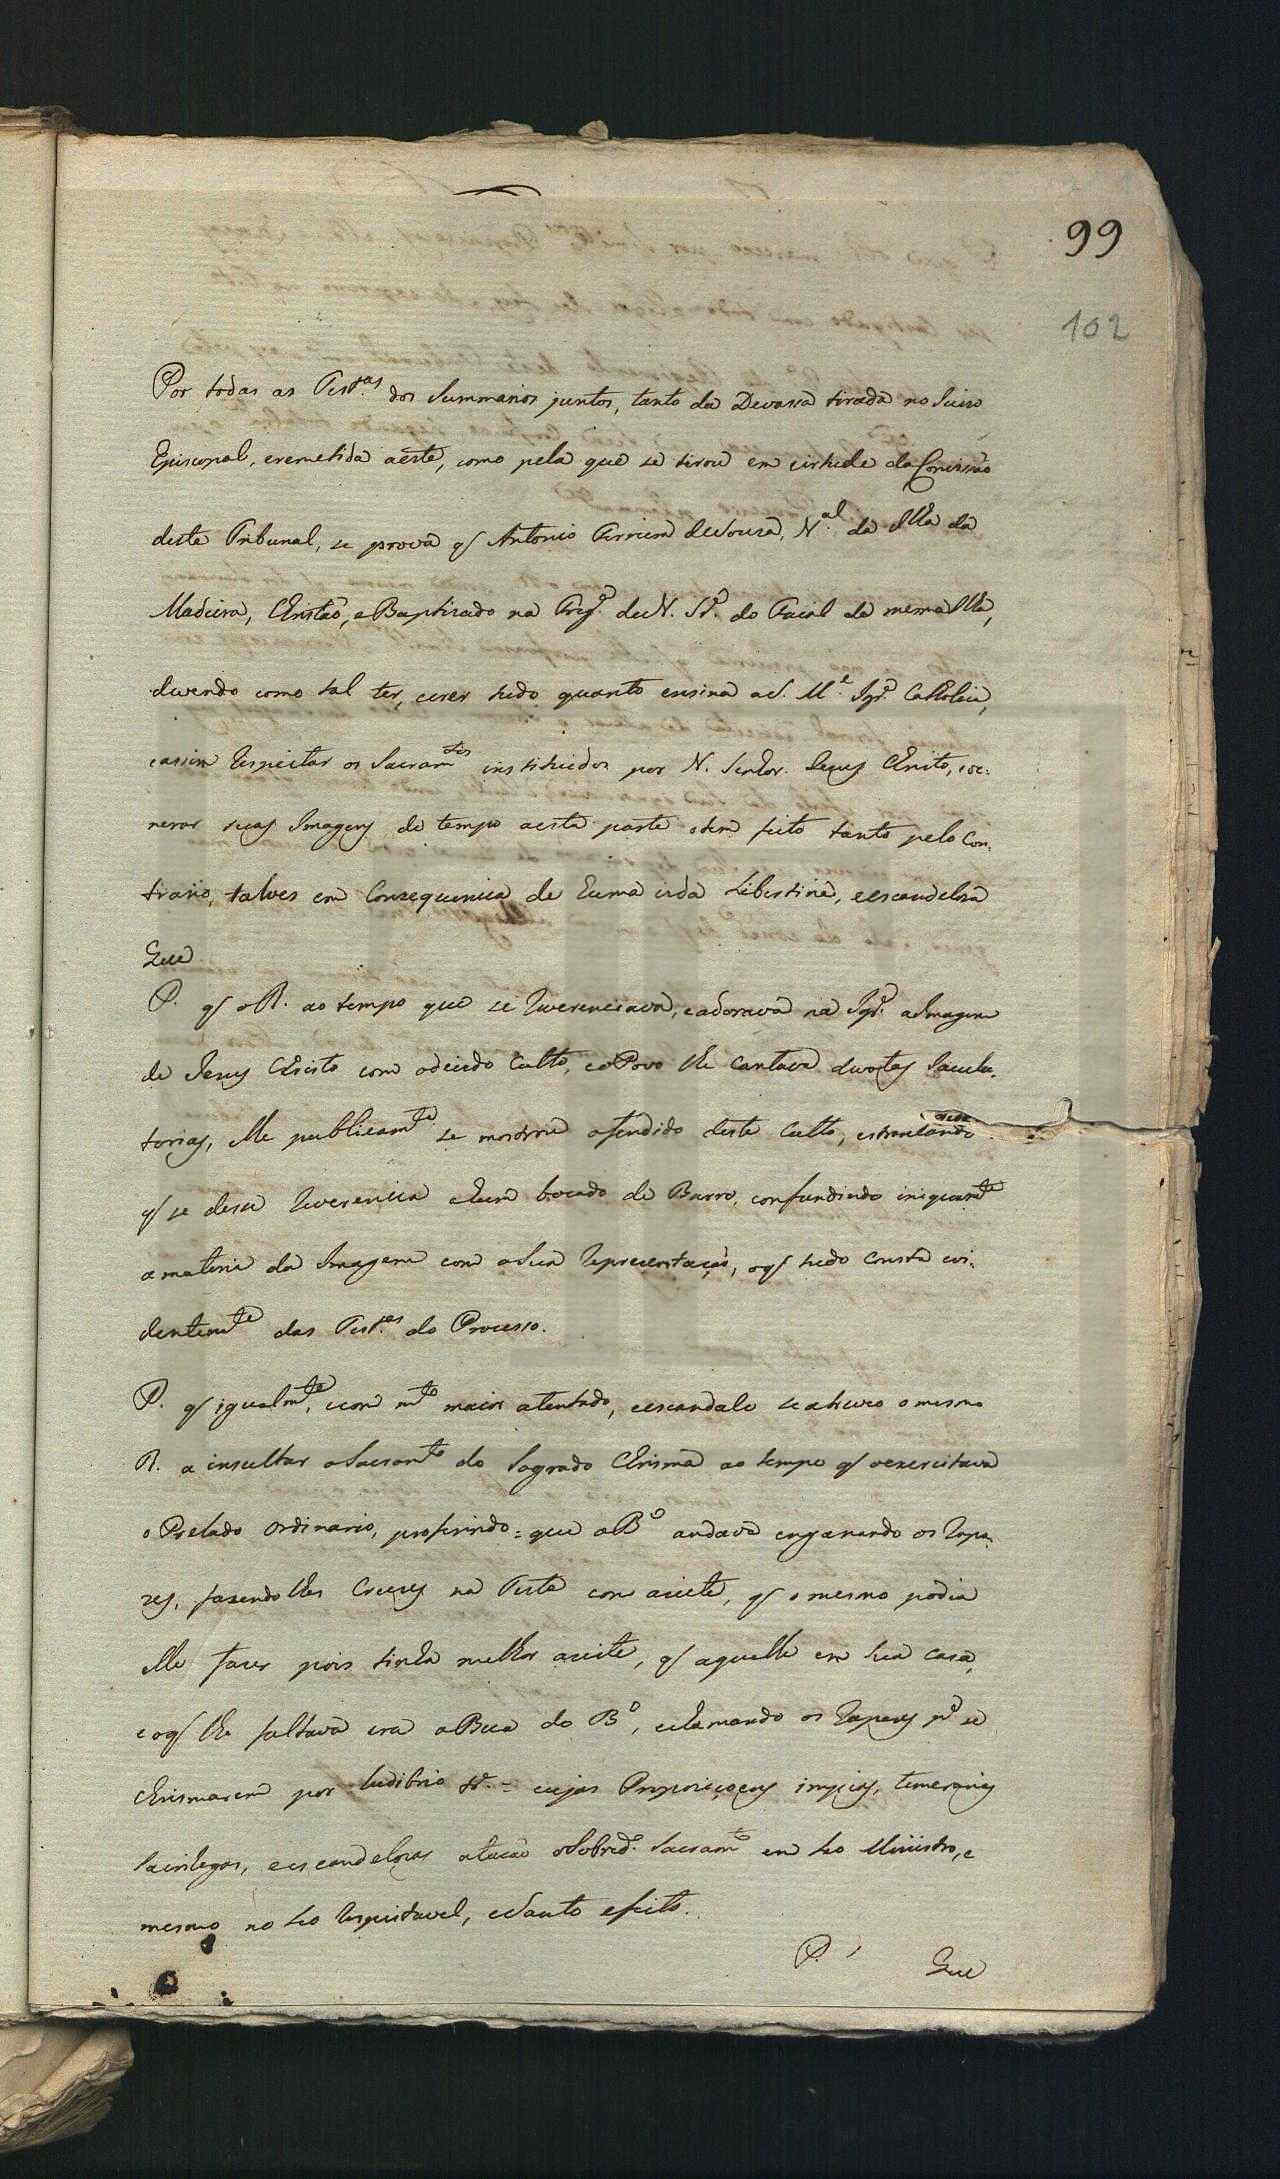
99
Por todas as Test.as dos Summarios juntos, tanto da Devassa tirada no Iuizo
Episcopal, e remetida a este, como pela que se tirou em virtude da Comissão
deste Tribunal, se prova q̄ Antonio Ferrem de Souza, N.al da Ilha da
Madeira, Chistaõ, e Baptizado na Frega.de N. Sr.a do Faial da mesma Ilha,
devendo como tal ter, e crer tudo quanto ensina a S. M.e Igr.a Catholica,
e assim Respeitar os Sacram.tos instituidos por N. Senhor Iezus Christo, e ve
nerar suas Imagens de tempo a esta parte o tem feito tanto pelo Con
trario, talves em Consequencia de huma vida Libertina, e escandelosa
Que
P. q̄ o R. ao tempo que se Reverenciava, e adorava na Igr.a a Imagem
de Iezus Christo com o devido culto, e o Povo lhe cantava devotas Iacula
torias, elle publicam.te se mostrou ofendido deste Culto, estranhando
q̄ se desse Reverencia, a hum bocado de Barro, confundindo iniquam.te
a materia da Imagem com a Sua Reprezentaçaõ, o q̄ tudo consta evi
dentem.te das Test.as do Processo.
P. q̄ igualm.te e com m.to maior atentado, e escandalo se atreveo o mesmo
R. a insultar o Sacram.to do Sagrado Chrisma ao tempo q̄ o exercitava
o Prelado ordinario, proferindo: que o B.o andava enganando os Rapa
zes fazendolhes Cruzes na Testa com azeite, q̄ o mesmo podia
elle fazer pois tinha melhor azeite, q̄ aquelle em sua casa,
e o q̄ lhe faltava era a Beca do B.o, e chamando os Rapazes p.a se
chrismarem por ludibrio &r.a = cujas Propoziçoens impias, temerarias
sacrilegas, e escandelozas atacaõ o Sobred.o Sacram.to em seo Ministro, e
mesmo no seo Respeitavel, e Santo efeito.
P.
Que
